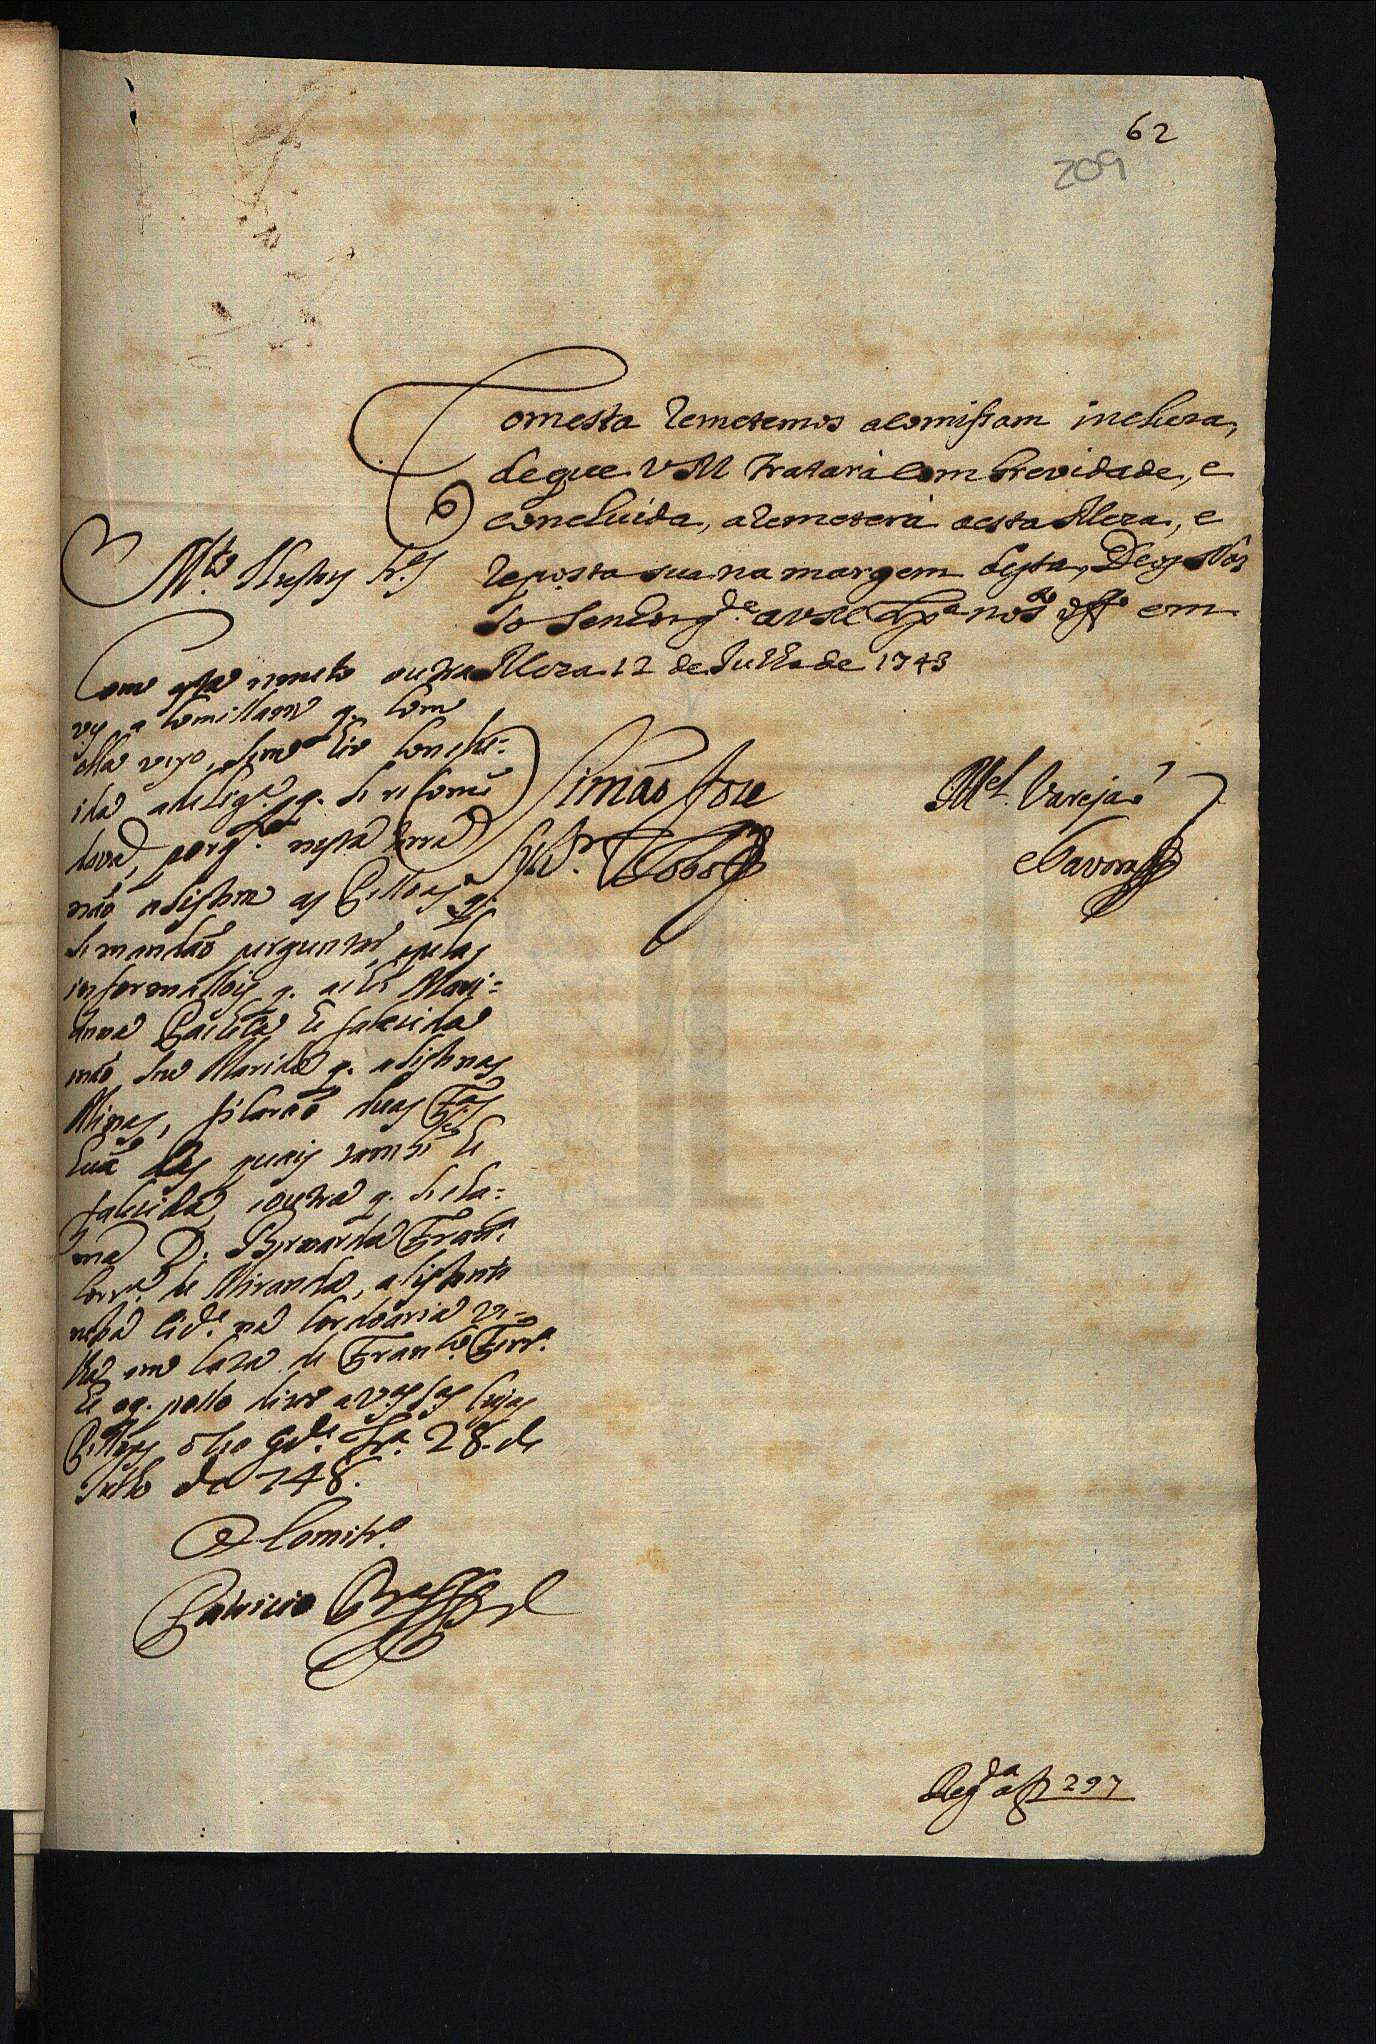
62
Com esta Remetemos a comissam incluza,
de que VM tratarà com brevidade, e
concluida, a Remeterà a esta Meza, e
Reposta sua na margem desta, Deos Nos
so Senhor gd.e a v M Lxa no sto offo em
Meza 12 de Iulho de 1743
Simaõ Joze
Sylv.ro Lobo
Mel. Varejaõ
e Tavora
M.to Ilustres Sr.es
Com esta remeto outra
ves Comissam q. Com
ella veyo, sem hir Conclu
ida a delig.a q. se recomē
davaꝭ, porq.to nesta terra
naõ asistem as Pessoas q.
se mandaõ perguntar, e pelas
informassois q. acho Mari
anna Pacheca he falecida
e naõ seu Marido q. asiste nas
Minas, fiCaraõ duas Fa.s
huā das quais tambē he
falecida, e outra q. se cha
ma D. Bernarda Fran.ca
Corra. de Miranda, asistente
nesta Cid.e na Cordoaria ve
lha em Caza de Fran.co Ferr.a
he o q̄ posso dizer a V.as S.as Cujas
Pessoas o Ceo gd.e Lr.a 28. de
Iulho de 748.
O Comisr.o
Patricio Pra
Regda a fL 297
